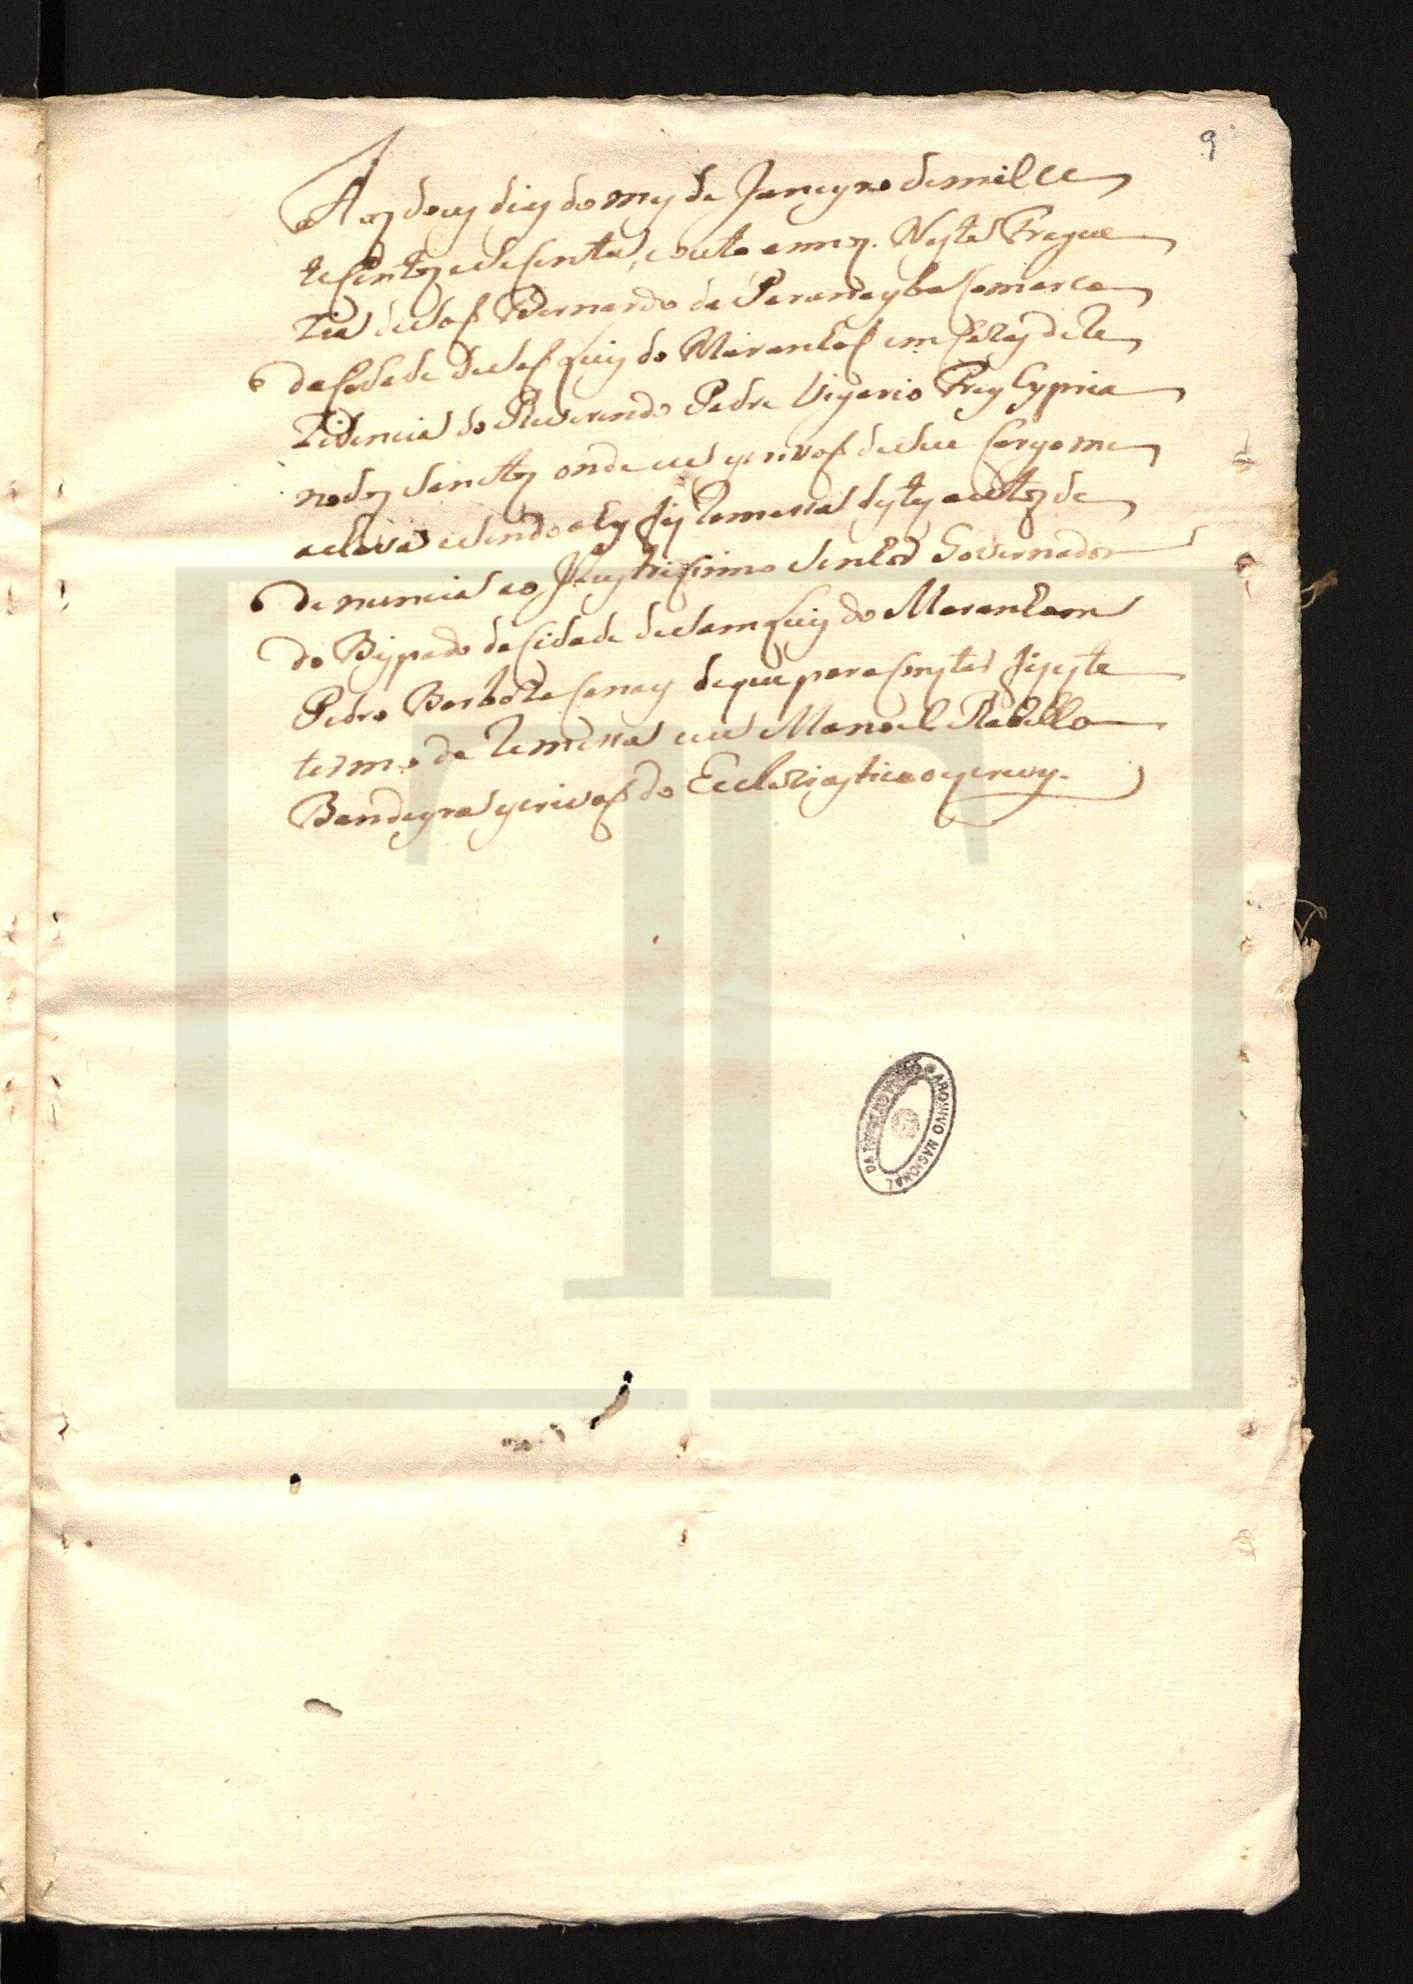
Aos dous dias do mes de Janeyro de mil ce
teCentos e seCenta, e outo annos. Nesta Fregue
Zia de Saõ Bernardo da Paranayba Comarca
da Cidade de Saõ Luis do Maranhaõ em Cazas de Re
Zidencia do Reverendo Padre Vigario Frey Cypria
no dos Sanctos onde eu escrivaõ de seu Cargo me
achava, e sendo ahy fis Remessa destes autos de
denuncia ao Jlustrissimo Senhor Governador
do Bispado da Cidade de Sam Luis do Maranham
Pedro Barboza Canais de que para Constar fis este
termo de Remessa e eu Manoel Rabello
Bandeyra escrivaõ do Eccleziastico o escrevy.
